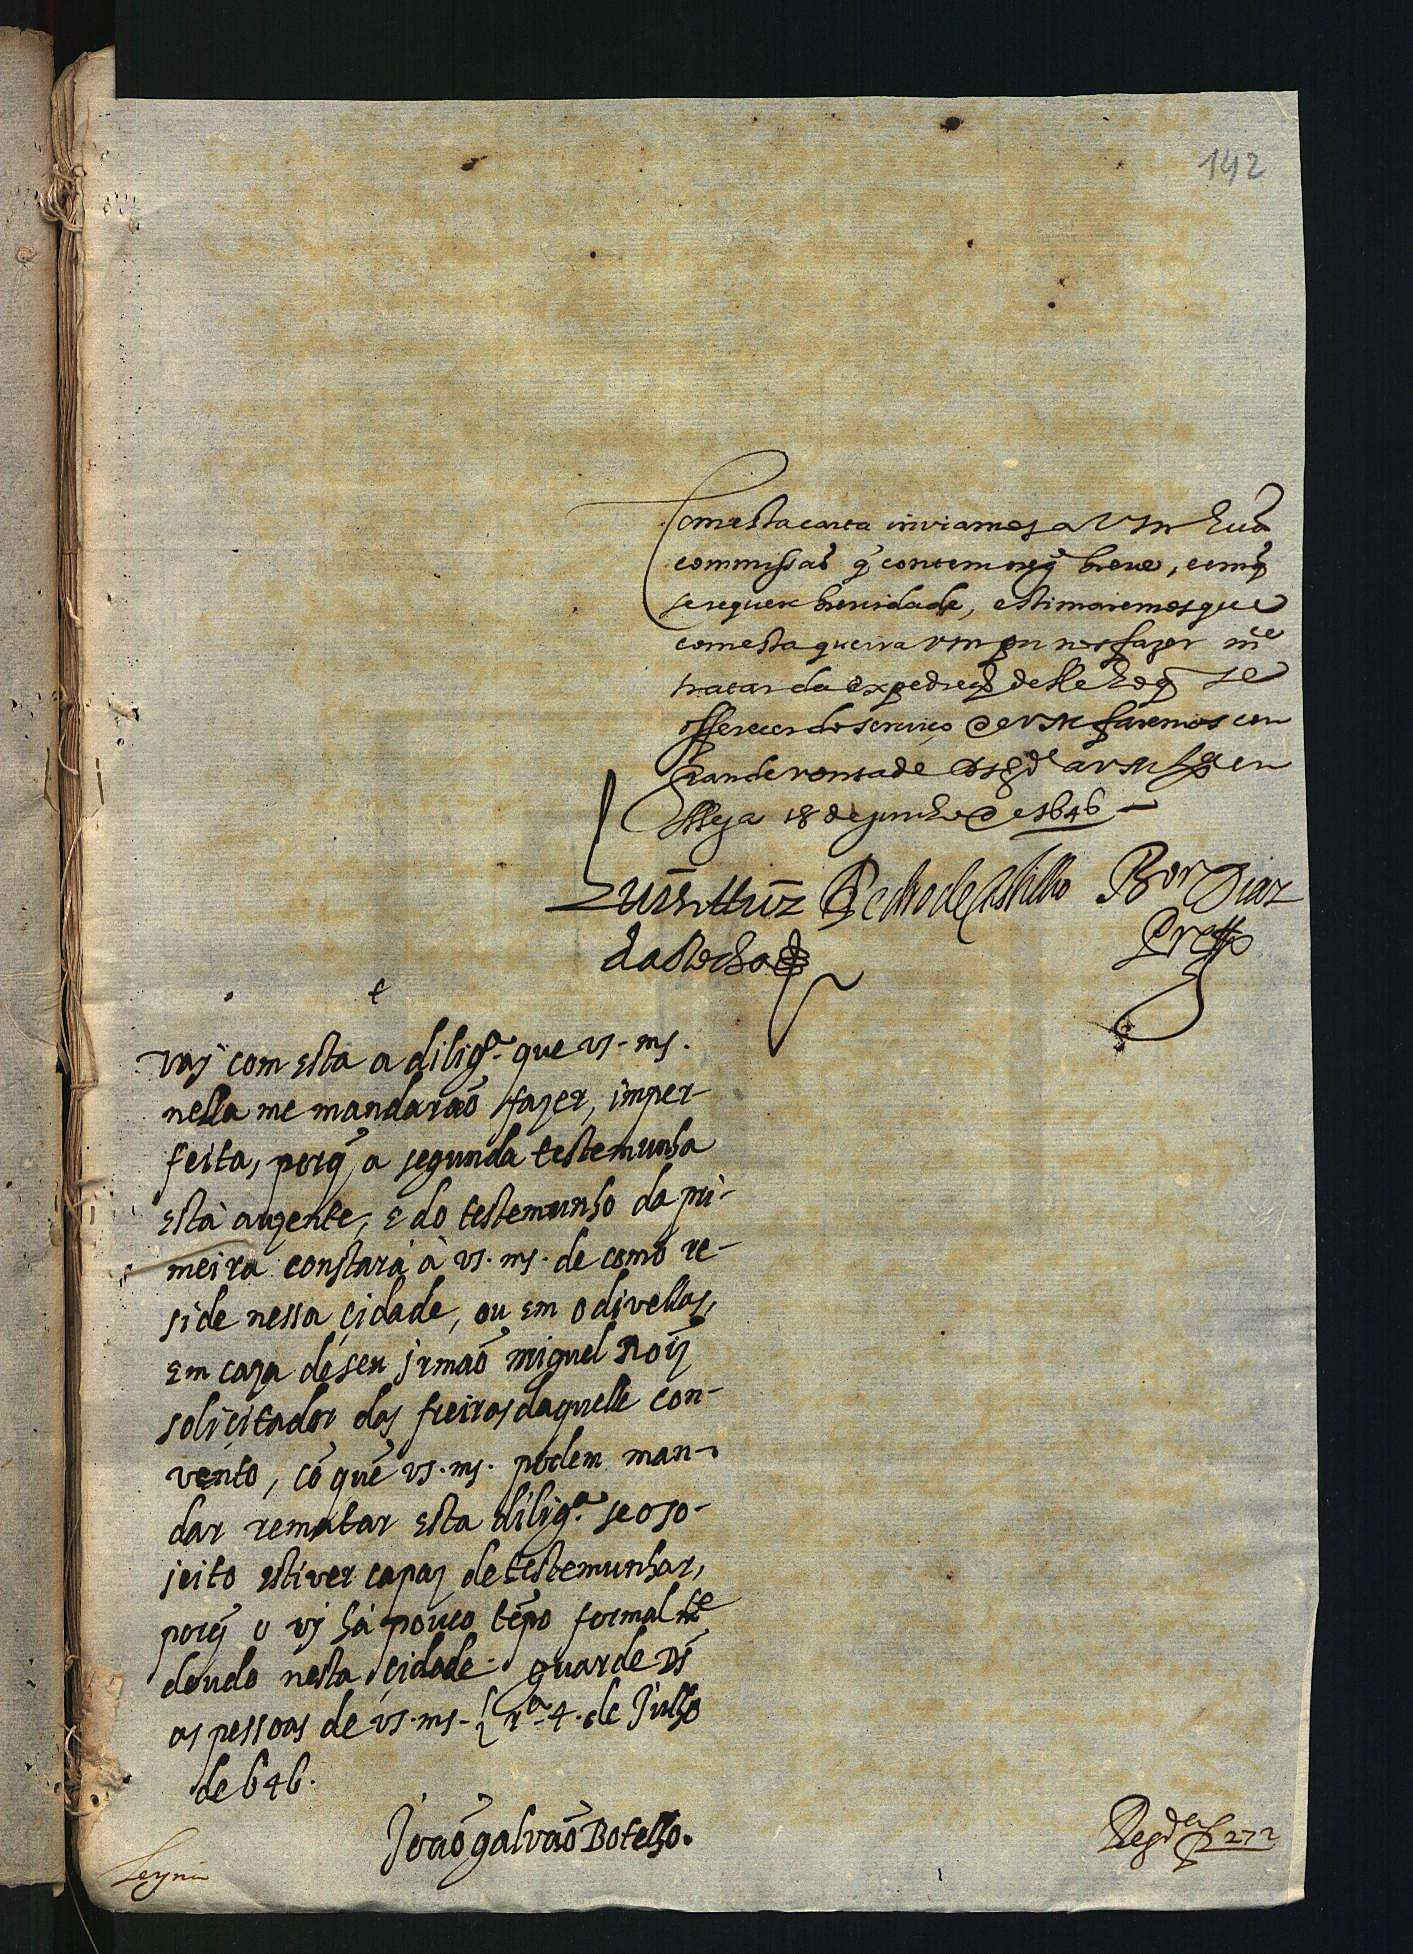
Com esta carta inviamos a V M huā
commissaõ q̄ contem nego breue, e em q̄
se requer breuidade, estimaremos que
com esta queira v m por nos fazer mce
tratar da expedicaõ delle ho q̄ se
offerecer do seruiço de V M faremos com
grande vontade Ds̄ gde a V M Lxa em
Meza 18 de junho de 1646
vaj com Esta a dilig.a que vs. ms.
nella me mandaraõ fazer, imper
feita, porq̄ a segunda testemunha
Està auzente, E do testemunho da pri
meira constará à vs. ms. de como re
side nessa çidade, ou Em odivellas,
Em caza de seu jrmaõ miguel Roiz
soliçitador das freiras daquelle con
vento, cō quē vs. ms. podem man
dar rematar Esta dilig.a se o so
jeito Estiver capaz de testemunhar,
porq̄ o vj há pouco tēpo formalmte
doudo nesta çidade. guarde Ds̄
as pessoas de vs. ms. Lx.a 4. de Iulho
de 646.
Leyria
Regda f 272
